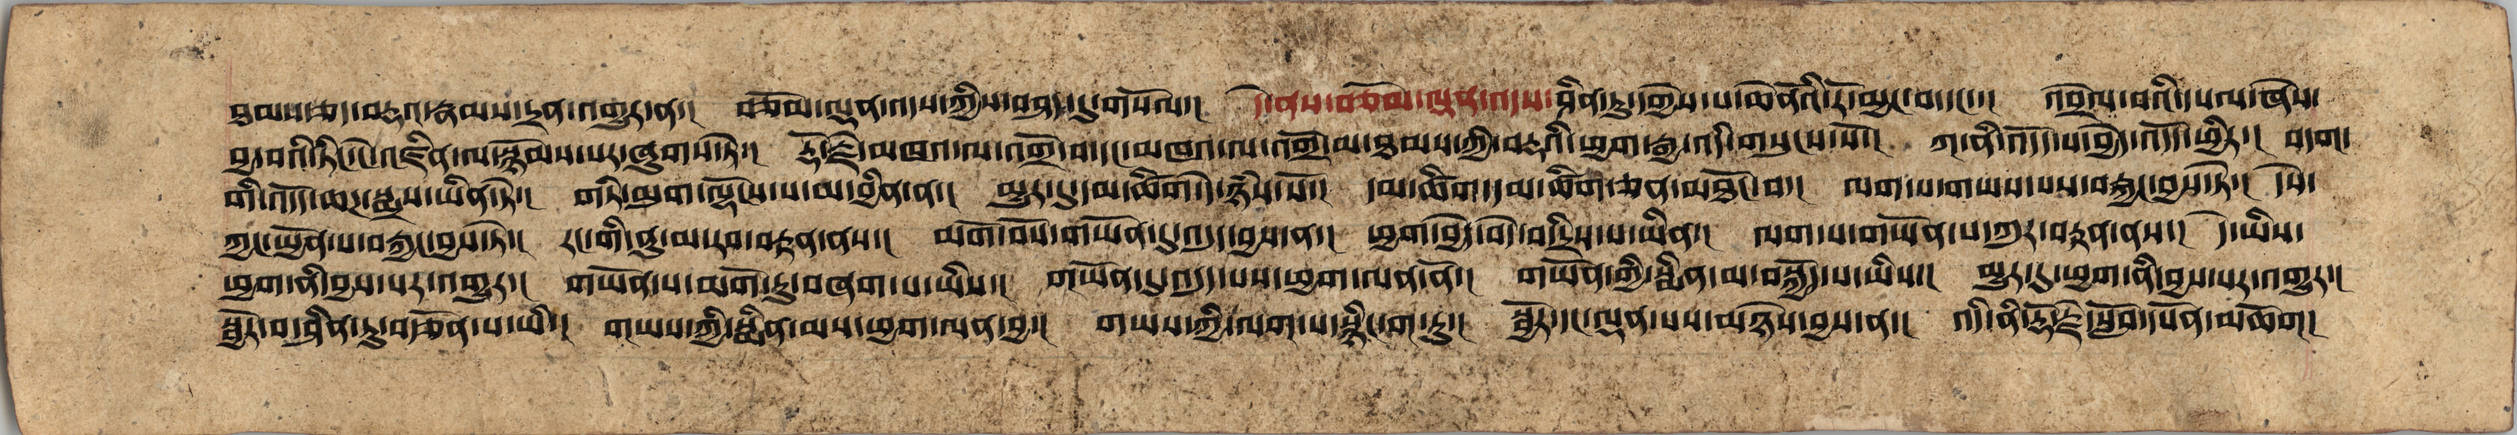ཐམས་ཅད་བརྡའ་རྣམས་དྲན་འགྱུར་ན་། བཅོམ་ལྡན་འདས་ཀྱིས་བཤད་དུ་གསོལ་། དེ་ནས་བཅོམ་ལྡན་འདས་ཤིན་ཏུ་དགྱེས་པ་ཆེནོའི་རོ་མྱང་བ་དང་་། འབྲེལ་བའི་དཔལ་ཞེས་
བྱ་བའི་ཏིང་ངེ་འཛིན་ལ་སྙོམས་པར་ཞུགས་ཏེ་། རྡོ་རྗེ་མཁའ་ལ་འགྲོ་བ་དང་མཁའ་ལ་འགྲོ་མ་ཐམས་ཀྱི་བརྡའི་ཕྱག་རྒྱ་འདི་གསུངས་སོ་། ཀ་ནི་འདོད་པ་བྱེད་འདོད་ཕྱིར་། བདག་
གི་འདོད་ཆཌ་སྨྲས་་ཡིན་ཏེ་། གཏི་མུག་ལྷོངས་པ་མ་བྱིན་ན་། མྱུར་དུ་དམ་ཚིག་དེ་ཉཾས་སོ་། དམ་ཚིག་དམ་ཚིག་ཅན་མཐོང་བ་། ལག་པ་གཡས་པས་བརྐྱང་བྱས་ཏེ་། དེས་
ཀྱང་སྤྱོན་པ་བརྐྱང་བྱས་ཏེ་། རང་གི་ནུ་མ་རབ་བརྟན་ནས་། མགོ་བསོ་གཡོན་དུ་འདུད་བྱས་ན་། ཕྱག་བྱེད་བདེ་བ་དྲིས་པ་ཡིན་། ལག་པ་གཡོན་པ་ཀུར་བརྟན་ནས་། དེ་ཡིས་
ཕྱག་ནི་བྱས་པར་འགྱུར་། གཡོན་པ་མགོ་རུ་བཞག་པ་ཡིས་། གཡོན་དུ་འདུད་པས་ཕྱག་ལན་ནོ་། གཡོན་གྱི་སྨིན་མ་བསྐྱོད་པ་ཡིས་། མྱུར་དུ་ཕྱག་ནི་བྱས་པར་འགྱུར་
སྦྱོར་བ་ཤིན་ཏུ་བརྩོན་པ་ཡི་། གཡས་ཀྱི་སྨིན་མས་ཕྱག་ལན་བྱ་། གཡས་ཀྱི་ལག་པ་སྙིང་ག་རུ་། སྦྱོར་དང་ལྡན་པས་མཉེས་བྱས་ན་། འདི་ནི་རྡོ་རྗེ་སློབ་དཔོན་མཆོག།